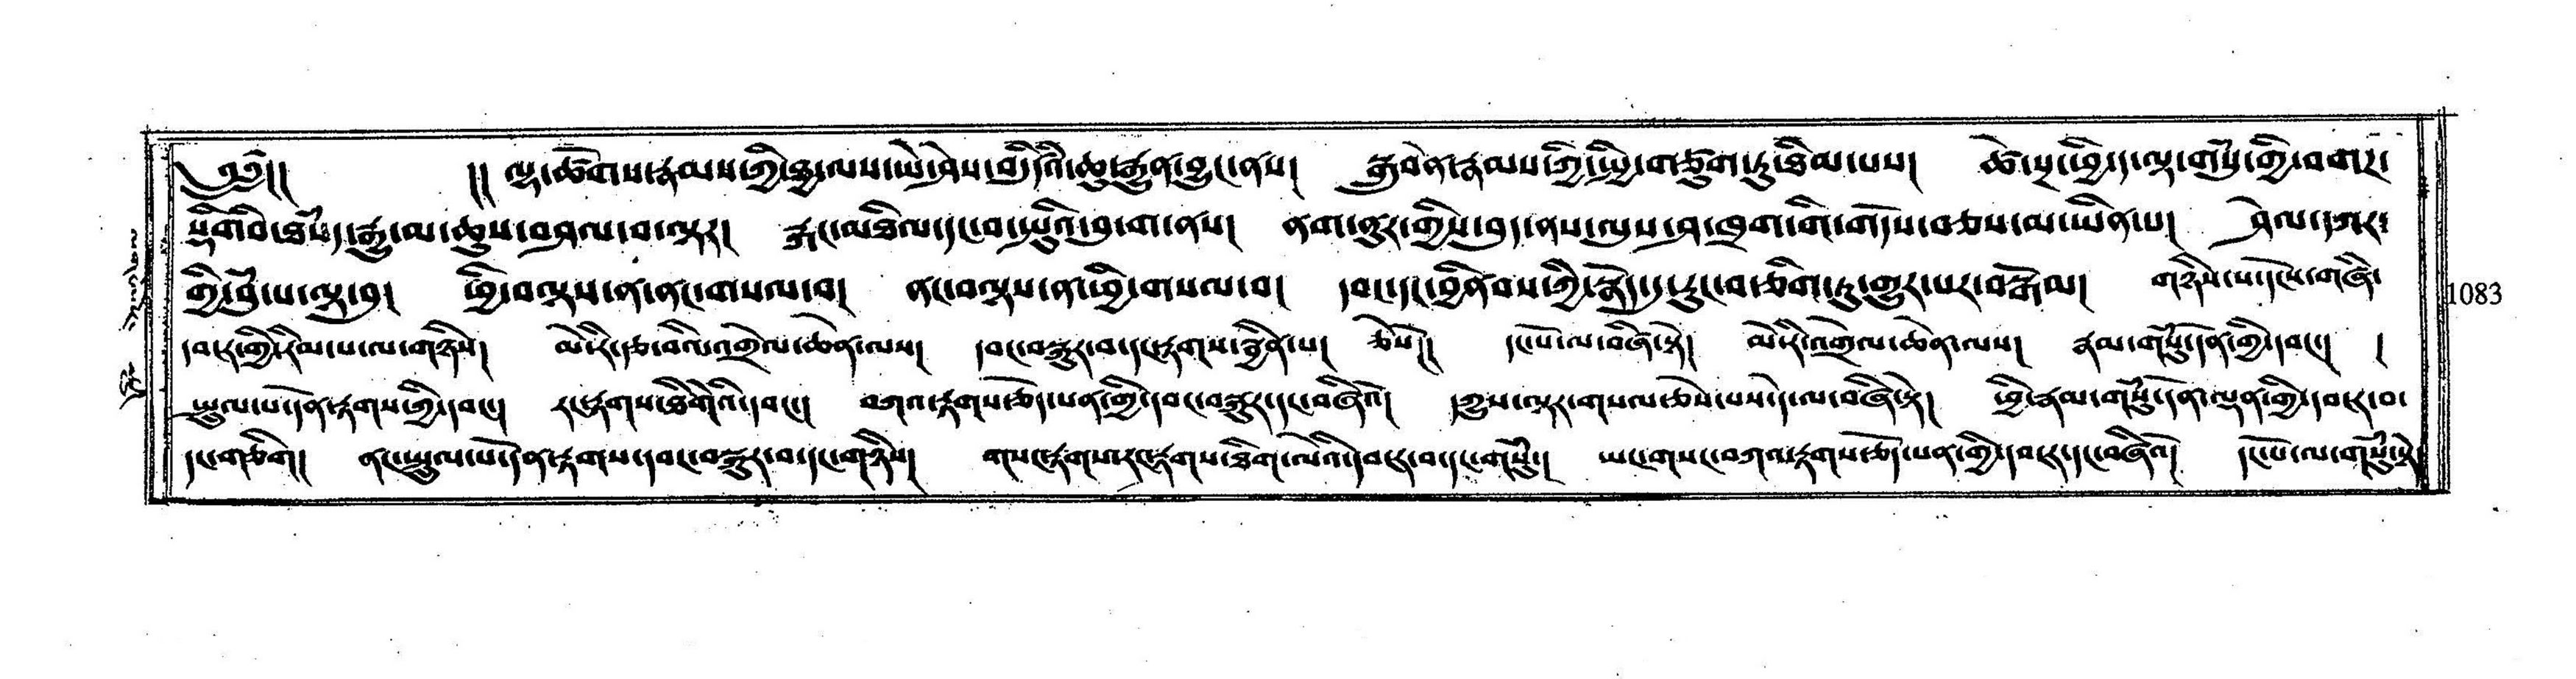།།ལྷ་ཚོགས་རྣམས་ཀྱི་ཐུགས་ལས་ཡེ་ཤེས་བདུད་རྩིའི་ཆུ་རྒྱུན་བྱུང་ནས། སྒྲུབ་གཤེན་རྣམས་ཀྱི་སྤྱི་གཙུག་ཏུ་ཐིམ་པས། ཚེ་སྔ་ཕྱི་ད་ལྟ་གསུམ་གྱི་བགགས་
སྡིག་སྒྲིབ་ཐམས་ཅད་རྒྱུ་མ་ཆུས་བཤལ་བ་ལྟར། རྐང་མཐིལ་དང་བ་སྤུའི་བུ་ག་ནས། ནག་ནུར་གྱིས་བུད་ནས་ལུས་ཤ་ཁྲག་གི་གདོས་བཅས་མ་ཡིན་པ། ཤེལ་དཀར་
གྱི་བུམ་པ་ལྟ་བུ། ཕྱི་བལྟས་ན་ནང་གསལ་བ། ནང་བལྟས་ན་ཕྱི་གསལ་བ། དབང་དང་བྱིན་རླབས་ཀྱི་སྣོད་དུ་རུང་བ་ཅིག་ཏུ་གྱུར་པར་བསྒོམ། གཉིས་པ་དངོས་གཞི་
དབང་བསྐུར་གྱི་རིམ་པ་ལ་གཉིས། མེ་རི་རྩ་བའི་འགྲེལ་ཆེན་ལས། དབང་བསྐུར་བ་དང་རྟགས་སྦྱིན་པ། ཅེས་སོ།། དང་པོ་ལ་བཞི་སྟེ། མེ་རི་འགྲེལ་ཆེན་ལས། རྣམ་གསུམ་དོན་གྱི་དབང་། 
སྤྲུལ་པ་དོན་རྟགས་ཀྱི་དབང་། རང་རྟགས་ཐིག་ལེའི་དབང་། བཀའ་རྟགས་ཅོད་པན་གྱི་དབང་བསྐུར་དང་བཞིའོ། དཀྱུས་ལྟར་གསལ་ཅེས་པས་དེ་ལ་བཞི་སྟེ། ཕྱི་རྣམ་གསུམ་དོན་ལྡན་གྱི་དབང་བསྐུར་བ་
དང་གཅིག ནང་སྤྲུལ་པ་དོན་རྟགས་དབང་བསྐུར་བ་དང་གཉིས། གསང་རྟགས་རང་རྟགས་ཐིག་ལེའི་དབང་བསྐུར་བ་དང་གསུམ། ཡང་གསང་བཀའ་རྟགས་ཅོད་པན་གྱི་དབང་བསྐུར་དང་བཞིའོ། དང་པོ་ལ་གསུམ་སྟེ་